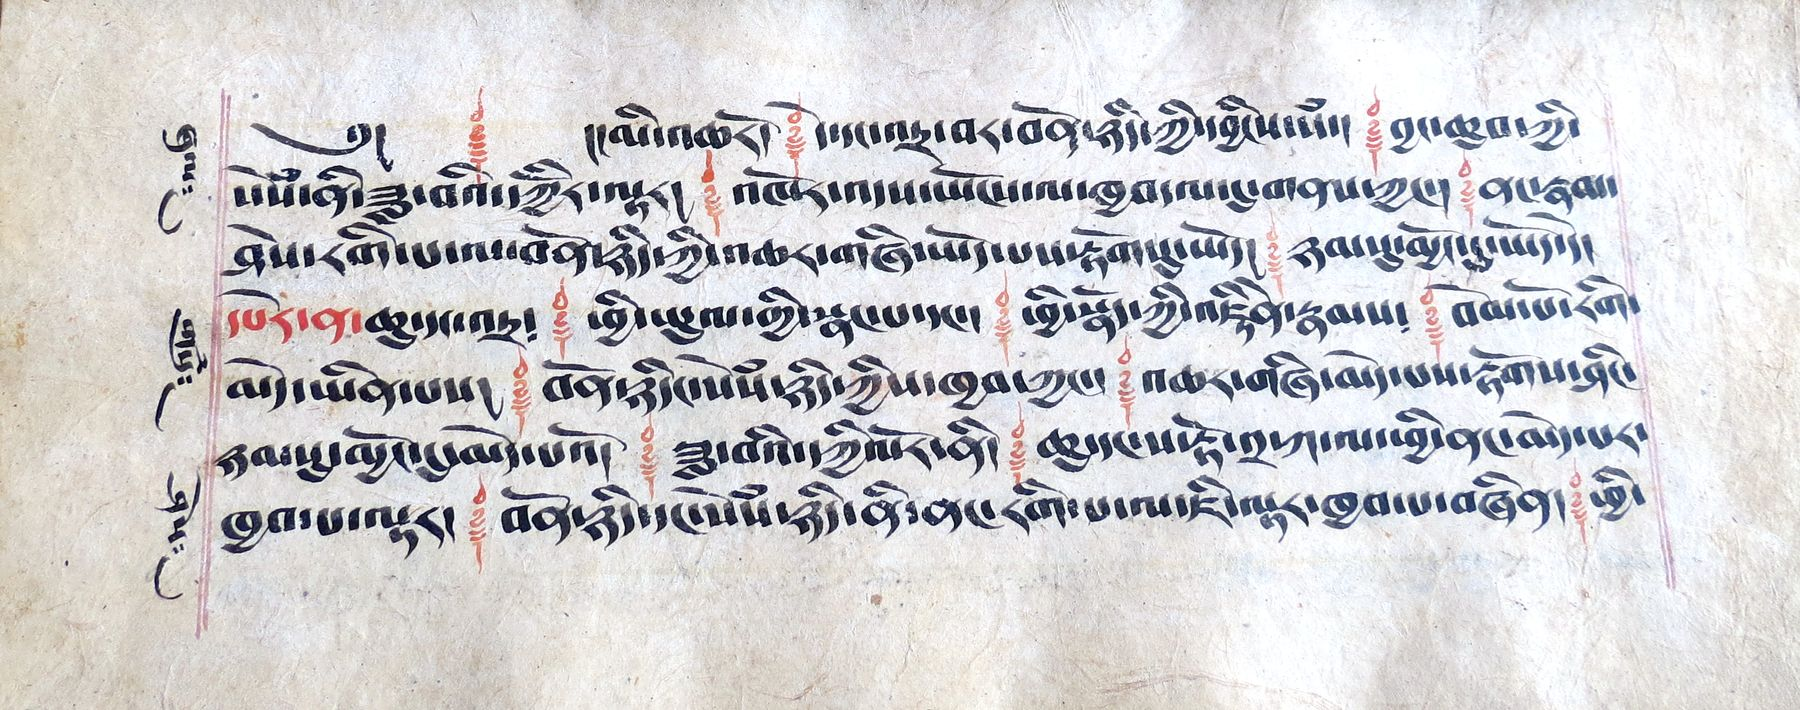མི་འཆར་རོ། ། དེ་དང་འདྲ་བར་བོན་ཉིད་ཀྱི་དབྱིངས་སམ། བྱང་ཆུབ་ཀྱི་
སེམས་ནི་ཟླ་བའི་དཀྱིལ་འཁོར་ལྟ་བུ། འཁོར་འདས་ཡོངས་ལ་ཁྱབ་བདལ་དུ་གནས་ཀྱང་། ནང་རྣམ་
ཤེས་རིག་པ་ལ་བོན་ཉིད་ཀྱི་འཆར་གཞི་ཡོད་པས་རྟོགས་སུ་ཡོད། ཉམས་སུ་མྱོང་དུ་ཡོད་པས་
དཔེར་ན་ཆུ་དང་འདྲ། ཕྱི་ཡུལ་གྱི་སྣང་བ་དང་། ཕྱི་སྣོད་ཀྱི་འཇིག་རྟེན་རྣམས། བེམ་པོ་རིག་
མེད་ཡིན་པས། བོན་ཉིད་དང་སེམས་ཉིད་ཀྱིས་ཁྱབ་ཀྱང་འཆར་གཞི་མེད་པས། རྟོགས་ཤིང་
ཉམས་སུ་མྱོང་དུ་མེད་པའོ། ། ཟླ་བའི་དཀྱིལ་འཁོར་ནི། ཆུ་དང་ས་རྡོ་གཉིས་ཀ་ལ་ཕྱི་ནང་མེད་པར་
ཁྱབ་པ་ལྟར། བོན་ཉིད་དང་སེམས་ཉིད་ནི། ནང་རིག་པ་ལ་ཅི་ལྟར་ཁྱབ་པ་བཞིན། ཕྱི་